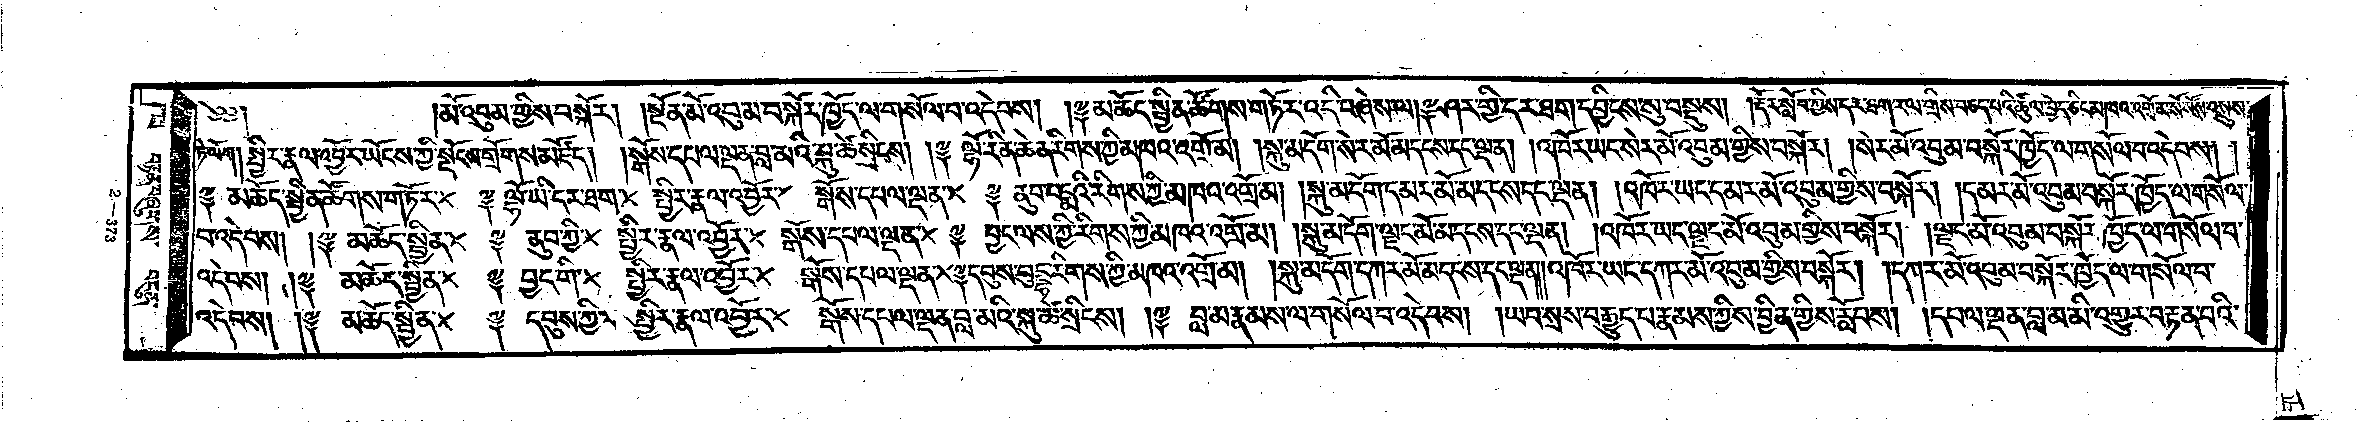༄༅། །མོ་འབུམ་གྱིས་བསྐོར། །སྔོན་མོ་འབུམ་བསྐོར་ཁྱོད་ལ་གསོལ་བ་འདེབས། །༈ མཆོད་སྦྱིན་ཚོགས་གཏོར་འདི་བཞེས་ལ། ༈ ཤར་གྱི་དར་ཐག་དབྱིངས་སུ་བསྡུས། །རྡོར་སློབ་ཀྱིས་དར་ཐག་རལ་གྲིས་བཅད་པའི་ཚུལ་བྱེད་ཅིང་མཁའ་འགྲོ་མ་སོ་སོས་བཞུས་
ཏེ་ལོག །སྤྱིར་རྣལ་འབྱོར་ཡོངས་ཀྱི་སྡོངས་གྲོགས་མཛོད། །སྒོས་དཔལ་ལྡན་བླ་མའི་སྐུ་ཚེ་སྲིངས། །༈ ལྷོ་རིན་ཆེན་རིགས་ཀྱི་མཁའ་འགྲོ་མ། །སྐུ་མདོག་སེར་མོ་མདངས་དང་ལྡན། །འཁོར་ཡང་སེར་མོ་འབུམ་གྱིས་བསྐོར། །སེར་མོ་འབུམ་བསྐོར་ཁྱོད་ལ་གསོལ་བ་འདེབས། །
༈ མཆོད་སྦྱིན་ཚོགས་གཏོར྾་༈ ལྷོ་ཡི་དར་ཐག྾་སྤྱིར་རྣལ་འབྱོར྾་སྒོས་དཔལ་ལྡན྾་༈ ནུབ་པདམའི་རིགས་ཀྱི་མཁའ་འགྲོ་མ། །སྐུ་མདོག་དམར་མོ་མདངས་དང་ལྡན། །འཁོར་ཡང་དམར་མོ་འབུམ་གྱིས་བསྐོར། །དམར་མོ་འབུམ་བསྐོར་ཁྱོད་ལ་གསོལ་
བ་འདེབས། །༈ མཆོད་སྦྱིན྾་༈ ནུབ་ཀྱི྾་སྤྱིར་རྣལ་འབྱོར྾་སྒོས་དཔལ་ལྡན྾་༈ བྱང་ལས་ཀྱི་རིགས་ཀྱི་མཁའ་འགྲོ་མ། །སྐུ་མདོག་ལྗང་མོ་མདངས་དང་ལྡན། །འཁོར་ཡང་ལྗང་མོ་འབུམ་གྱིས་བསྐོར། །ལྗང་མོ་འབུམ་བསྐོར་ཁྱོད་ལ་གསོལ་བ་
འདེབས། །༈ མཆོད་སྦྱིན྾་༈ བྱང་གི྾་སྤྱིར་རྣལ་འབྱོར྾་སྒོས་དཔལ་ལྡན྾་༈ དབུས་བུདྡྷ་རིགས་ཀྱི་མཁའ་འགྲོ་མ། །སྐུ་མདོག་དཀར་མོ་མདངས་དང་ལྡན། །འཁོར་ཡང་དཀར་མོ་འབུམ་གྱིས་བསྐོར། །དཀར་མོ་འབུམ་བསྐོར་ཁྱོད་ལ་གསོལ་བ་
འདེབས། །༈ མཆོད་སྦྱིན྾་༈ དབུས་ཀྱི྾་སྤྱིར་རྣལ་འབྱོར྾་སྒོས་དཔལ་ལྡན་བླ་མའི་སྐུ་ཚེ་སྲིངས། །༈ བླ་མ་རྣམས་ལ་གསོལ་བ་འདེབས། །ཡབ་སྲས་བརྒྱུད་པ་རྣམས་ཀྱིས་བྱིན་གྱིས་རློབས། །དཔལ་ལྡན་བླ་མ་མི་འགྱུར་བརྟན་པའི་